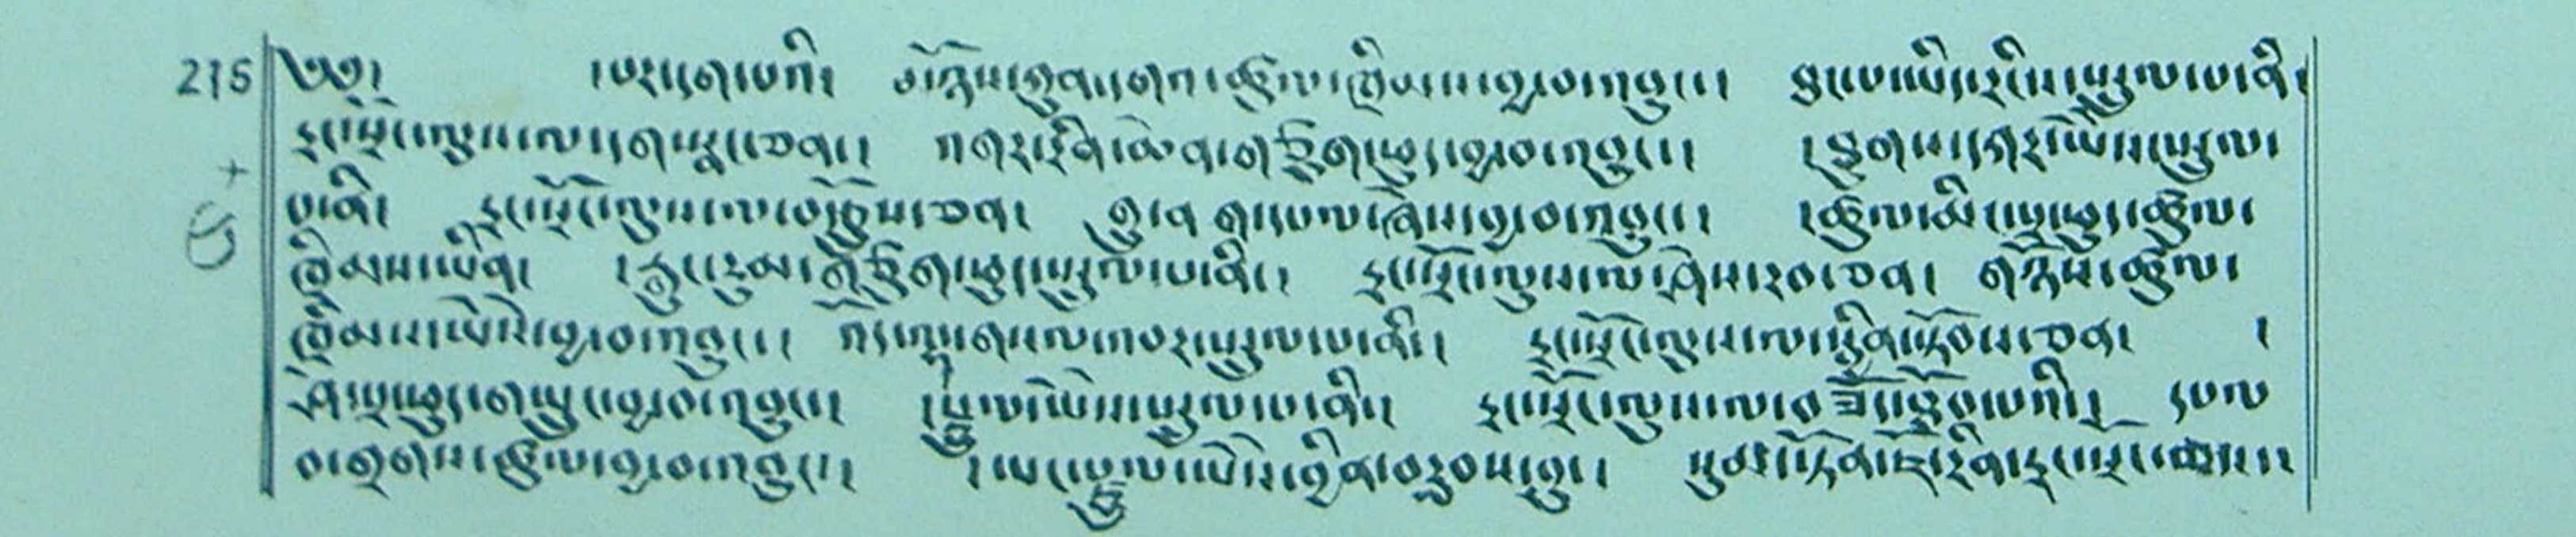༄༅། །དག་པ་ཡི། མཉོས་ཀུན་དགའ་ཚུལ་ཁྲིམས་བྱ་བ་འབྱུང་། ཐང་པ་ཡིད་རིངས་སྤྲུལ་པ་ནི། 
དྲང་སྲོང་ལུས་ལ་དག་སྣང་ཅན། འགར་རིན་ཆེན་གཙུག་ཕུད་བྱ་བ་འབྱུང་། ཐུགས་ཀར་ཡེ་ཤེས་སྤྲུལ་
པ་ནི། དྲང་སྲོང་ལུས་ལ་བརྩོན་འགྲུས་ཅན། གྲུ་ནག་དཔལ་ཞེས་བྱ་བ་འབྱུང་། ཚུལ་མིང་པྲ་ཕུད་ཚུལ་
ཁྲིམས་ཡིན། རྒུང་རུམ་གཙུག་ཕུད་སྤྲུལ་པ་ནི། དྲང་སྲོང་ལུས་ལ་ཤེས་རབ་ཅན། གཉོས་ཚུལ་
ཁྲིམས་ཡེ་ཤེས་བྱ་བ་འབྱུང་། འོད་ལྷ་གསལ་འབར་སྤྲུལ་པ་ནི། དྲང་སྲོང་ལུས་ལ་སྦྱིན་སྟོབས་ཅན། 
ཤེད་པྲ་ཕུད་གཡུང་དྲུང་བྱ་བ་འབྱུང་། རྫུ་འཕྲུལ་ཡེ་ཤེས་སྤྲུལ་པ་ནི། དྲང་སྲོང་ལུས་ལ་བཟོད་ཐོབ་པའི། དཔལ་
བ་གྲགས་ཚུལ་བྱ་བ་འབྱུང་། ཡང་རྫུ་འཕྲུལ་ཡེ་ཤེས་བྱིན་རླབས་བུ། སུམ་སྟོན་ཇོ་རིན་དྲང་སྲོང་ཆས།